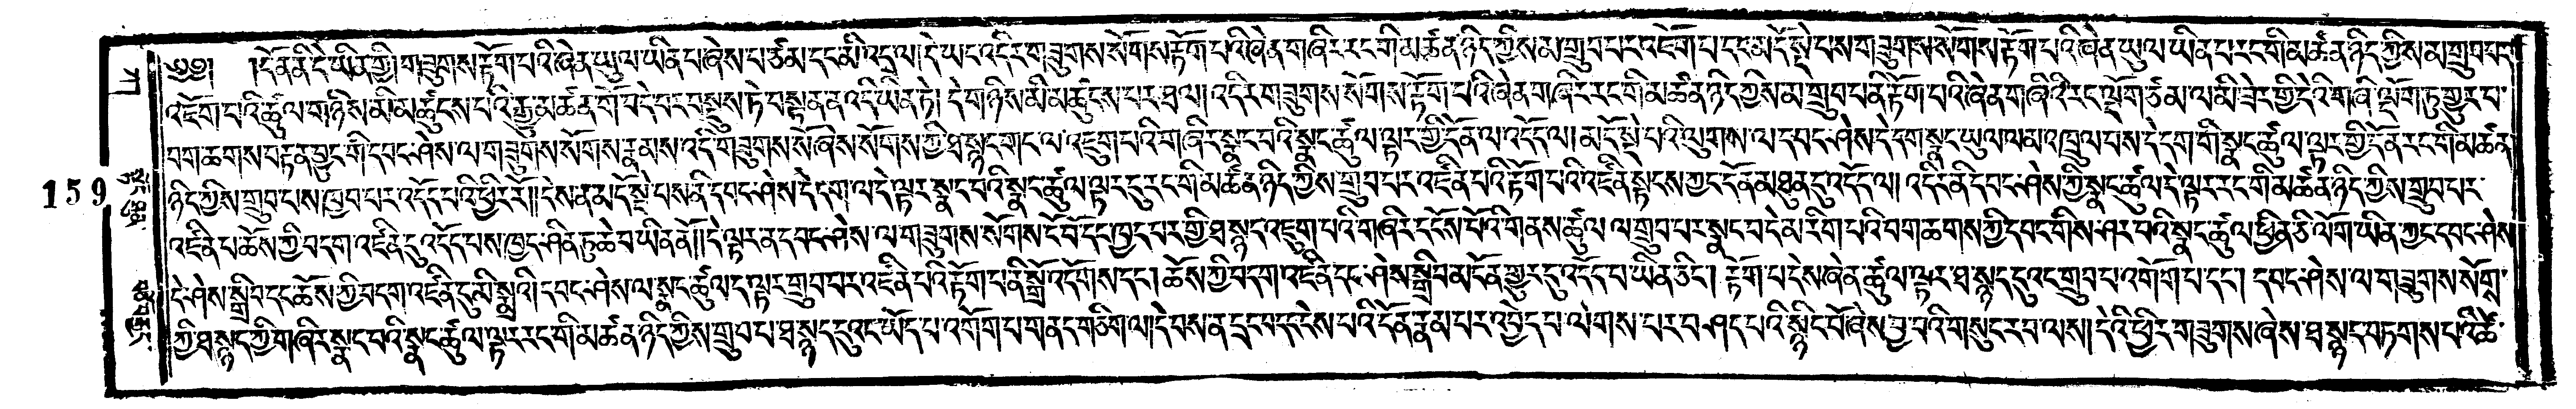༄༅། །དོན་ནི་དེ་ཡིན་གྱི། གཟུགས་རྟོག་པའི་ཞེན་ཡུལ་ཡིན་པ་ཞེས་པ་ཙམ་དང་མི་འདྲ་ལ། དེ་ཡང་འདིར་གཟུགས་སོགས་རྟོག་པའི་ཞེན་གཞིར་རང་གི་མཚན་ཉིད་ཀྱིས་མ་གྲུབ་པར་འཇོག་པ་དང་མདོ་སྡེ་པས་གཟུགས་སོགས་རྟོག་པའི་ཞེན་ཡུལ་ཡིན་པ་རང་གི་མཚན་ཉིད་ཀྱིས་མ་གྲུབ་པར་
འཇོག་པའི་ཚུལ་གཉིས་མི་མཚུངས་པའི་རྒྱུ་མཚན་གོ་བདེ་བར་བསྡུས་ཏེ་བསྟན་ན་འདི་ཡིན་ཏེ། དེ་གཉིས་མི་མཚུངས་པར་ཐལ། འདིར་གཟུགས་སོགས་རྟོག་པའི་ཞེན་གཞིར་རང་གི་མཚན་ཉིད་ཀྱིས་མ་གྲུབ་པ་ནི་རྟོག་པའི་ཞེན་གཞིའི་རང་ལྡོག་ཙམ་ལ་མི་ཟེར་གྱི་དེའི་གཞི་ལྡོག་ཏུ་གྱུར་པ་
བག་ཆགས་བརྟན་བྱུང་གི་དབང་ཤེས་ལ་གཟུགས་སོགས་རྣམས་འདི་གཟུགས་སོ་ཞེས་སོགས་ཀྱི་ཐ་སྙད་གང་ལ་འཇུག་པའི་གཞིར་སྣང་བའི་སྣང་ཚུལ་ལྟར་གྱི་དོན་ལ་འདོད་ལ། མདོ་སྡེ་པའི་ལུགས་ལ་དབང་ཤེས་དེ་དག་སྣང་ཡུལ་ལམ་འཁྲུལ་བས་དེ་དག་གི་སྣང་ཚུལ་ལྟར་གྱི་དོན་རང་གི་མཚན་
ཉིད་ཀྱིས་གྲུབ་པས་ཁྱབ་པར་འདོད་པའི་ཕྱིར་རོ། །དེས་ན་མདོ་སྡེ་པས་ནི་དབང་ཤེས་དེ་དག་ལ་དེ་ལྟར་སྣང་བའི་སྣང་ཚུལ་ལྟར་དུ་རང་གི་མཚན་ཉིད་ཀྱིས་གྲུབ་པར་འཛིན་པའི་རྟོག་པའི་འཛིན་སྟངས་ཀྱང་དོན་མཐུན་དུ་འདོད་ལ། འདིར་ནི་དབང་ཤེས་ཀྱི་སྣང་ཚུལ་དེ་ལྟར་རང་གི་མཚན་ཉིད་ཀྱིས་གྲུབ་པར་
འཛིན་པ་ཆོས་ཀྱི་བདག་འཛིན་དུ་འདོད་པས་ཁྱད་ཤིན་ཏུ་ཆེ་བ་ཡིན་ནོ། །དེ་ལྟར་ན་དབང་ཤེས་ལ་གཟུགས་སོགས་ངོ་བོ་དང་ཁྱད་པར་གྱི་ཐ་སྙད་འཇུག་པའི་གཞིར་དངོས་པོའི་གནས་ཚུལ་ལ་གྲུབ་པར་སྣང་བདེ་མ་རིག་པའི་བག་ཆགས་ཀྱི་དབང་གིས་ཤར་བའི་སྣང་ཚུལ་ཕྱིན་ཅི་ལོག་ཡིན་ཀྱང་དབང་ཤེས་
དེ་ཤེས་སྒྲིབ་དང་ཆོས་ཀྱི་བདག་འཛིན་དུ་མི་སྨྲའི། དབང་ཤེས་ལ་སྣང་ཚུལ་དེ་ལྟར་གྲུབ་པར་འཛིན་པའི་རྟོག་པ་ནི་སྒྲོ་འདོགས་དང་། ཆོས་ཀྱི་བདག་འཛིན་དང་ཤེས་སྒྲིབ་མངོན་གྱུར་དུ་འདོད་པ་ཡིན་ཅིང་། རྟོག་པ་དེས་ཞེན་ཚུལ་ལྟར་ཐ་སྙད་དུའང་གྲུབ་པ་འགོག་པ་དང་། དབང་ཤེས་ལ་གཟུགས་སོགས་
ཀྱི་ཐ་སྙད་ཀྱི་གཞིར་སྣང་བའི་སྣང་ཚུལ་ལྟར་རང་གི་མཚན་ཉིད་ཀྱིས་གྲུབ་པ་ཐ་སྙད་དུའང་ཡོད་པ་འགོག་པ་གནད་གཅིག་ལ། དེ་བས་ན་དྲང་བ་དང་ངེས་པའི་དོན་རྣམ་པར་འབྱེད་པ་ལེགས་པར་བཤད་པའི་སྙིང་བོ་ཞེས་བྱ་བའི་གསུང་རབ་ལས། དེའི་ཕྱིར་གཟུགས་ཞེས་ཐ་སྙད་བཏགས་པའི་ཚེ་